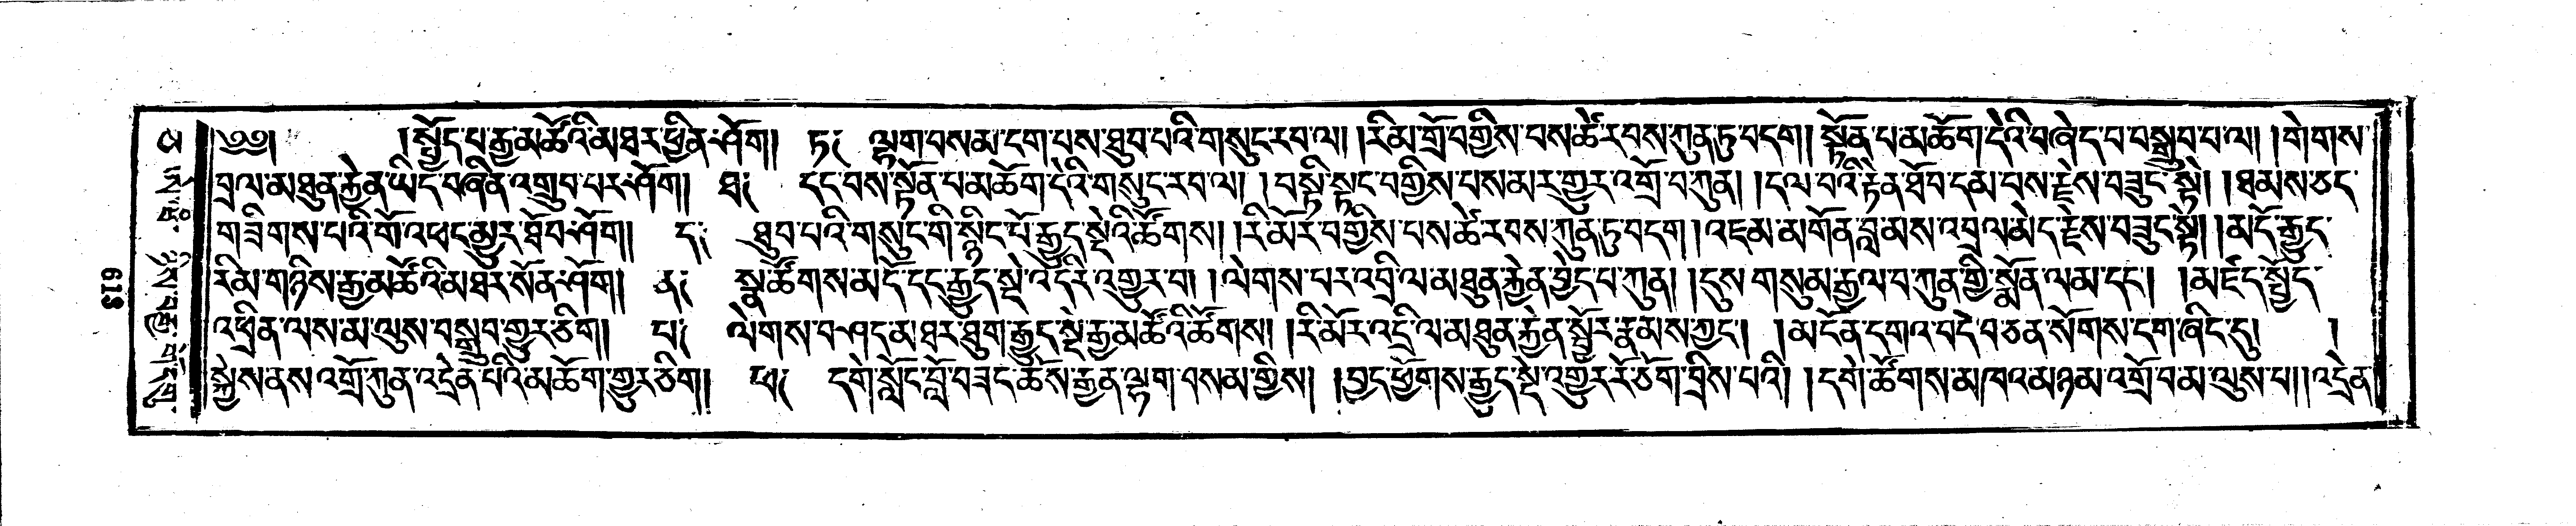༄༅། །སྤྱོད་པ་རྒྱ་མཚོའི་མཐར་ཕྱིན་ཤོག །ཏ༑ ལྷག་བསམ་དག་པས་ཐུབ་པའི་གསུང་རབ་ལ། །རིམ་གྲོ་བགྱིས་པས་ཚེ་རབས་ཀུན་ཏུ་བདག །སྟོན་པ་མཆོག་དེའི་བཞེད་པ་བསྒྲུབ་པ་ལ། །གེགས་
བྲལ་མཐུན་རྐྱེན་ཡིད་བཞིན་འགྲུབ་པར་ཤོག །ཐ༑ དང་བས་སྟོན་པ་མཆོག་དེའི་གསུང་རབ་ལ། །བསྟི་སྟང་བགྱིས་པས་མར་གྱུར་འགྲོ་བ་ཀུན། །དལ་བའི་རྟེན་ཐོབ་དམ་པས་རྗེས་བཟུང་སྟེ། །ཐམས་ཅད་
གཟིགས་པའི་གོ་འཕང་མྱུར་ཐོབ་ཤོག །ད༑ ཐུབ་པའི་གསུང་གི་སྙིང་པོ་རྒྱུད་སྡེའི་ཚོགས། །རི་མོར་བགྱིས་པས་ཚེ་རབས་ཀུན་ཏུ་བདག །འཇམ་མགོན་བླ་མས་འབྲལ་མེད་རྗེས་བཟུང་སྟེ། །མདོ་རྒྱུད་
རིམ་གཉིས་རྒྱ་མཚོའི་མཐར་སོན་ཤོག །ན༑ སྣ་ཚོགས་མདོ་དང་རྒྱུད་སྡེ་འདིར་འགྱུར་བ། །ལེགས་པར་འབྲི་ལ་མཐུན་རྐྱེན་བྱེད་པ་ཀུན། །དུས་གསུམ་རྒྱལ་བ་ཀུན་གྱི་སྨོན་ལམ་དང་། །མཛད་སྤྱོད་
འཕྲིན་ལས་མ་ལུས་བསྒྲུབ་གྱུར་ཅིག །པ༑ ལེགས་བཤད་མཐར་ཐུག་རྒྱུད་སྡེ་རྒྱ་མཚོའི་ཚོགས། །རི་མོར་འདྲི་ལ་མཐུན་རྐྱེན་སྦྱོར་རྣམས་ཀྱང་། །མངོན་དགའ་བདེ་བ་ཅན་སོགས་དག་ཞིང་དུ། །
སྐྱེས་ནས་འགྲོ་ཀུན་འདྲེན་པའི་མཆོག་གྱུར་ཅིག །ཕ༑ དགེ་སློང་བློ་བཟང་ཆོས་རྒྱན་ལྷག་བསམ་གྱིས། །བྱང་ཕྱོགས་རྒྱུད་སྡེ་འགྱུར་རོ་ཅོག་བྲིས་པའི། །དགེ་ཚོགས་མཁའ་མཉམ་འགྲོ་བ་མ་ལུས་པ། །འདྲེན་